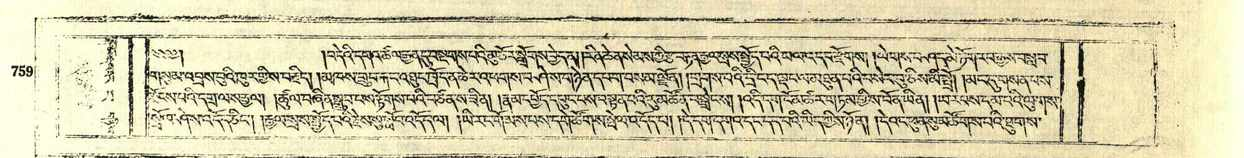༄༅། །བདེའི་དགའ་ཚལ་རྒྱན་དུ་བསྔགས་པའི་མུ་ཅོར་སྒྲོགས་བྱེད་ན། །རིན་ཆེན་སེམས་ཀྱི་རྩ་བརྟན་རྒྱལ་སྲས་སྤྱོད་པའི་ཡལ་འདབ་རྫོགས། །ལེགས་བཤད་མེ་ཏོག་རབ་རྒྱས་བསླབ་
གསུམ་འབྲས་བུའི་ཁུར་གྱིས་བརྗིད། །མཁས་གྲུབ་རྐང་འཐུང་ཁྲོད་ན་ཆེར་འཕགས་བཤེས་གཉེན་དཔག་བསམ་ལྗོན། །གྲགས་པའི་དྲི་ངད་ལྡང་ཨ་མཐུན་པའི་བསེར་བུ་ཅིས་མི་སྤྲོ། །མང་དུ་གསན་པས་
རྨོངས་པའི་དགྲ་ལས་རྒྱལ། །ཚུལ་བཞིན་སྒྲུབ་པས་རྟོགས་པའི་བཙན་ས་ཟིན། །རྣམ་དཔྱོད་དཔུང་པས་བསྟན་པའི་རུ་མཚོན་བསྒྲེངས། །འདི་དག་ངོ་མཚར་གཏམ་གྱི་ས་བོན་ཡིན། །ཡ་རབས་དམ་པའི་ལུགས་
སྲོལ་ཤེས་འདོད་ཅིང་། །རྒྱལ་སྲས་སྤྱོད་པའི་རྗེས་སུ་སློབ་འདོད་ལ། །ཡི་རང་གོམས་པས་དགེ་ཚོགས་སྤེལ་འདོད་པ། །དེ་དག་དགའ་དང་དད་པའི་ཡིད་ཀྱིས་ཉོན། །དེའང་ཕུན་སུམ་ཚོགས་པའི་ཐུགས་